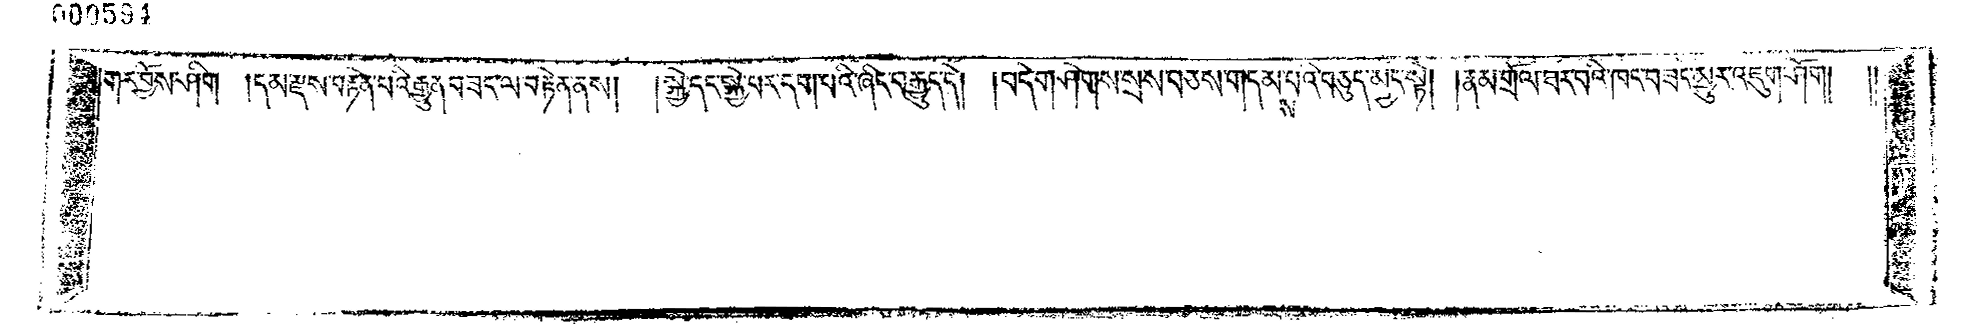གར་བྱོས་ཤིག །དམ་རྫས་བརྟེན་པའི་རྒྱུན་བཟང་ལ་བརྟེན་ནས། །སྐྱེ་དང་སྐྱེ་པར་དག་པའི་ཞིང་བརྒྱུད་དེ། །བདེ་གཤེགས་སྲས་བཅས་གདམས་པའི་བཅུད་མྱང་སྟེ། །རྣམ་གྲོལ་ཐར་བའི་ཁང་བཟང་མྱུར་འཇུག་ཤོག ། །།